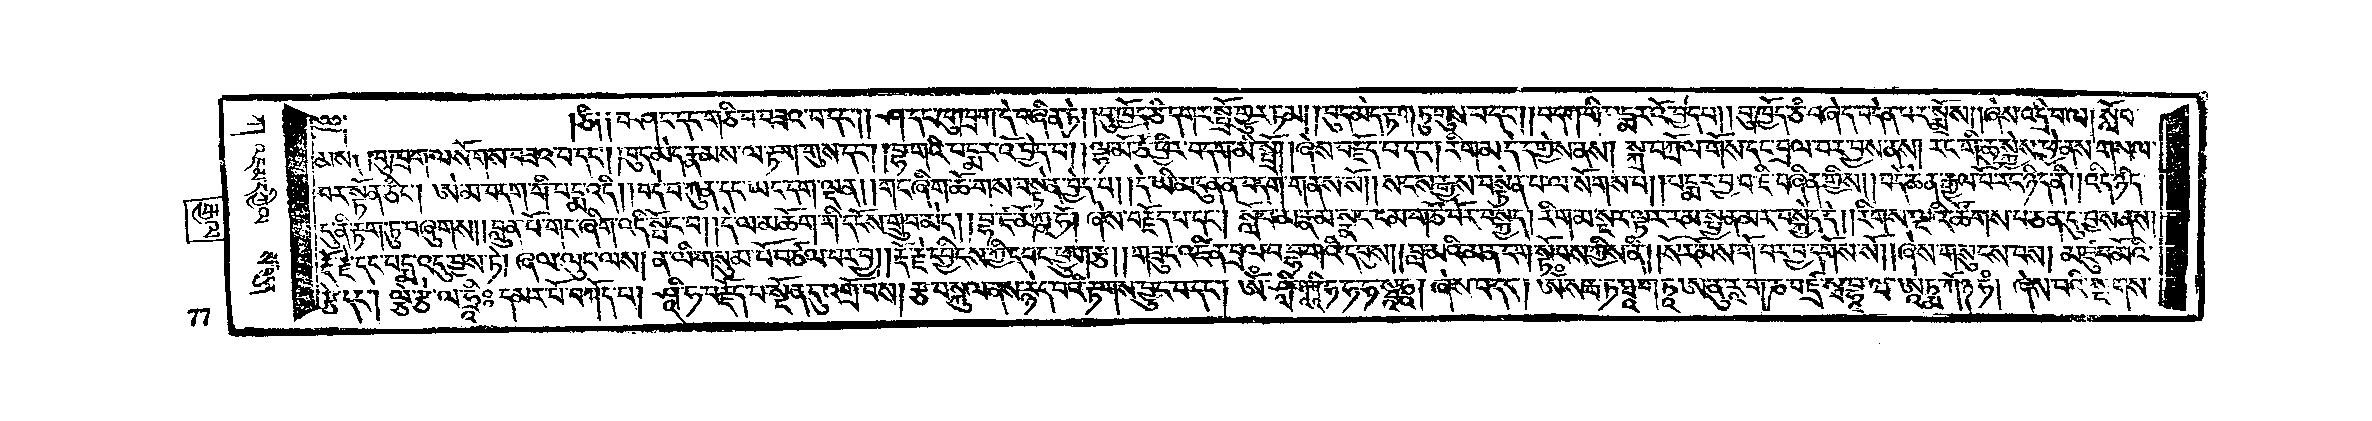༄༅། །ཅི༑ ༑བཤད་དང་གཅི་བ་བཟའ་བ་དང་། །ཤ་དང་ཁུ་ཁྲག་དེ་བཞིན་ཏེ། །བུ་ཁྱོད་ཅི་དགར་སྤྲོ་གྱུར་ཏམ། །བུད་མེད་རྟག་ཏུ་གུས་པ་དང་། །བདག་གི་པདམར་འོ་བྱེད་པ། །བུ་ཁྱོད་ཅི་བཞེད་བདེན་པར་སྨྲོས། །ཞེས་འདྲི་བ་ལ། སློབ་
མས། ཁུ་ཁྲག་ལ་སོགས་བཟའ་བ་དང་། །བུད་མེད་རྣམས་ལ་རྟག་གུས་དང་། །བྷ་གའི་པདམར་འོ་བྱེད་པ། །ལྷ་མོ་ཙ་ཕྱིར་བདག་མི་སྤྲོ། །ཞེས་བརྗོད་པ་དང་། རིག་མ་དེ་དགྱེས་ནས། སྐྲ་བཀྲོལ་གོས་དང་བྲལ་བར་བྱས་ནས། རང་གི་ཆུ་སྐྱེས་ཕྱེ་ནས་གསལ་
བར་སྟོན་ཅིང་། ཨེ་མ་བདག་གི་པདམ་འདི། །བདེ་བ་ཀུན་དང་ཡང་དག་ལྡན། །གང་ཞིག་ཆོ་གས་བསྟེན་བྱེད་པ། །དེ་ཡི་མདུན་ན་བདག་གནས་སོ། །སངས་རྒྱས་བསྟེན་པ་ལ་སོགས་པ། །པདམར་བྱ་བ་ཇི་བཞིན་གྱིས། །བདེ་ཆེན་རྒྱལ་པོ་རང་ཉིད་ནི། །འདི་ཉིད་
དུ་ནི་རྟག་ཏུ་བཞུགས། །བླུན་པོ་གང་ཞིག་འདི་སྤོང་བ། །དེ་ལ་མཆོག་གི་དངོས་གྲུབ་མེད། །བྷ་ཛ་མོ་ཀྵ་ཧོ། ཞེས་བརྗོད་པ་དང་། སློབ་མ་རྣམ་སྣང་ངམ་གཙོ་བོར་བསྐྱེད། རིག་མ་སྔར་ལྟར་རམ་སྤྱན་མར་བསྐྱེད་དེ། །རིགས་ལྔའི་ཚོགས་པ་ཅན་དུ་བྱས་ནས།
རྡོ་རྗེ་དང་པདམ་འདུ་བྱས་ཏེ། ཞལ་ལུང་ལས། ན་ལི་གསུམ་པོ་བཙལ་བར་བྱ། །རྡོ་རྗེ་དབྱིངས་ཀྱི་དབང་ཕྱུག་རྩ། །གཟུང་འཛིན་བྲལ་བ་བྷ་གའི་དབུས། །བླ་མའི་མན་ངག་སྟོབས་ཀྱིས་ནི། །སོར་མོས་གོ་བར་བྱ་དགོས་སོ། །ཞེས་གསུངས་པས། མཛུབ་མོའི་
རྩེ་དང་། ལྕེ་རྩེ་ལ་ཧྲཱིཿ དམར་པོ་བཀོད་པ། ཤཱི་ཧ་བརྗོད་པ་སྔོན་དུ་འགྲོ་བས། རྩ་བསྐུལ་ནས་རྙེད་པའི་རྟགས་བྱུང་བ་དང་། ཨོཾ་ཤཱི་ཤཱཤཱི་ཧ་ཧ་ཧ་སྭཱ་ཧཱ། ཞེས་པ་དང་། ཨོཾ་སརྦ?་ཏ་ཐཱ་ག་ཏཱ་ཨ་ནུ་རཱ་ག་ཎ་བྫྲ་སྭ་བྷཱ་ཝ་ཨཱཏམ་ཀོ་ཉ་ཧཾ། ཞེས་པའི་སྔགས་